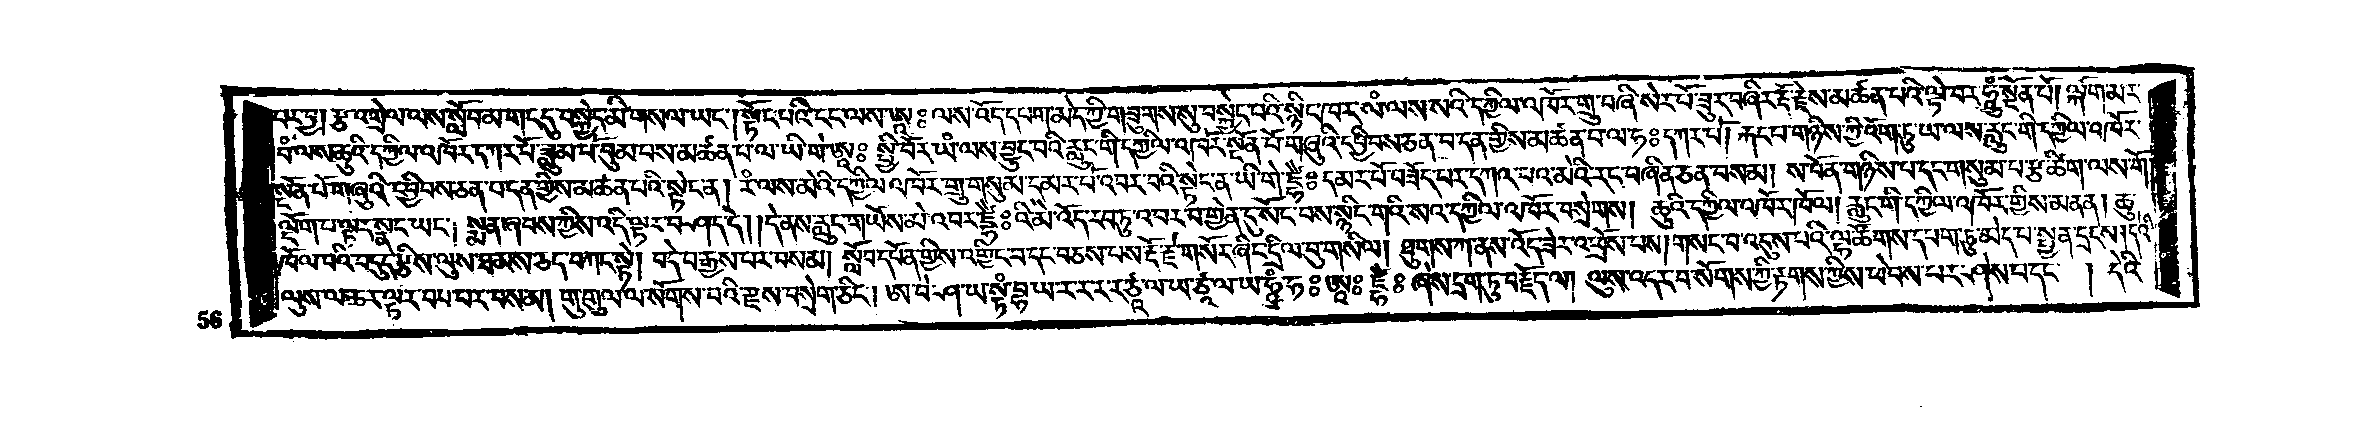པར་བྱ། རྩ་འགྲེལ་ལས་སློབ་མ་གང་དུ་བསྐྱེད་མི་གསལ་ཡང་། སྟོང་པའི་ངང་ལས་ཨཱཿ ལས་འོད་དཔག་མེད་ཀྱི་གཟུགས་སུ་བསྐྱེད་པའི་སྙིང་ཁར་ལཾ་ལས་སའི་དཀྱིལ་འཁོར་གྲུ་བཞི་སེར་པོ་ཟུར་བཞིར་རྡོ་རྗེས་མཚན་པའི་ལྟེ་བར་ཧཱུཾ་སྔོན་པོ། ལྐོག་མར་
བཾ་ལས་ཆུའི་དཀྱིལ་འཁོར་དཀར་པོ་ཟླུམ་པོ་བུམ་པས་མཚན་པ་ལ་ཡི་གེ་ཨཱཿ སྤྱི་བོར་ཡཾ་ལས་བྱུང་བའི་རླུང་གི་དཀྱིལ་འཁོར་སྔོན་པོ་གཞུའི་དབྱིབས་ཅན་བ་དན་གྱིས་མཚན་པ་ལ་ཧཿ དཀར་པོ། རྐང་པ་གཉིས་ཀྱི་འོག་ཏུ་ཡ་ལས་རླུང་གི་དཀྱིལ་འཁོར་
སྔོན་པོ་གཞུའི་དབྱིབས་ཅན་བ་དོན་གྱིས་མཚན་པའི་སྟེང་ན། རཾ་ལས་མེའི་དཀྱིལ་འཁོར་གྲུ་གསུམ་དམར་པོ་འབར་བའི་སྟེང་ན་ཡི་གེ་ཛྷཻཿ དམར་པོ་བཟོད་པར་དཀའ་བའི་མེའི་རང་བཞིན་ཅན་བསམ། ས་བོན་གཉིས་པ་དང་གསུམ་པ་རྩ་ཚིག་ལས་གོ་
ལྡོག་པ་ལྟར་སྣང་ཡང་། སྨན་ཞབས་ཀྱིས་འདི་ལྟར་བཤད་དེ། །དེ་ནས་རླུང་གཡོས་མེ་འབར་ཛྷཻཿ འི་མེ་འོད་རབ་ཏུ་འབར་བ་གྱེན་དུ་སོང་བས་སྙིང་གའི་སའི་དཀྱིལ་འཁོར་བསྲེགས། ཆུའི་དཀྱིལ་འཁོར་ཁོལ། རླུང་གི་དཀྱིལ་འཁོར་གྱིས་མནན། ཆུ་
ཁོལ་བའི་བདུད་རྩིས་ལུས་ཐམས་ཅད་བཀང་སྟེ། བདེ་བ་རྒྱས་པར་བསམ། སློབ་དཔོན་གྱིས་འགྱིང་བ་དང་བཅས་པས་རྡོ་རྗེ་གསོར་ཞིང་དྲིལ་བུ་གསིལ། ཐུགས་ཀ་ནས་འོད་ཟེར་འཕྲོས་པས། གསང་བ་འདུས་པའི་ལྷ་ཚོགས་དཔག་ཏུ་མེད་པ་སྤྱན་དྲངས། དེའི་
ལུས་ལ་ཆར་ལྟར་བབ་པར་བསམ། གུ་གུལ་ལ་སོགས་པའི་རྫས་བསྲེག་ཅིང་། ཨ་བེ་ཤ་ཡ་སྟཾ་བྷ་ཡ་ར་ར་ར་ར་ཙཱ་ལ་ཡ་ཙཱ་ལ་ཡ་ཧཱུཾ་ཧཿ ཨཱཿ ཛྷཻཿ ཞེས་དྲག་ཏུ་བརྗོད་ལ། ལུས་འདར་བ་སོགས་ཀྱི་རྟགས་ཀྱིས་ཕེབས་པར་ཤེས་པ་དང་། དེའི་